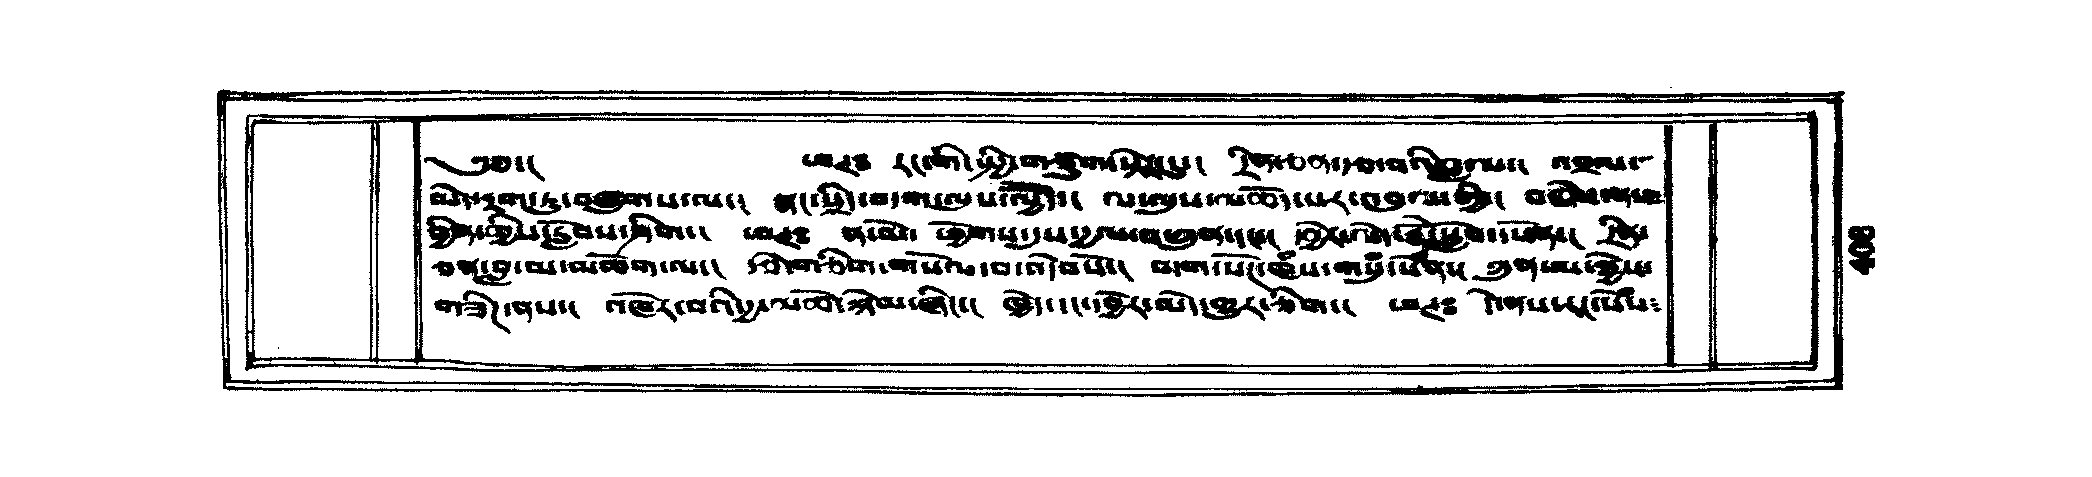ཕཊཿ རང་གིས་སྤྱི་གཙུག་སྟེང་དུ། །དྲིན་ཅན་རྩ་བའི་བླ་མ། །འབྲལ་
མེད་་རྟག་ཏུ་བཞུགས་ལ། །སྣང་སྲིད་བདག་ལུས་ལོངས་སྤྱོད། །མ་ལུས་མཆོད་པར་འབུལ་གྱི། །བཞེས་ནས་
བྱིན་གྱིས་རློབས་ཤིག་།ཕཊཿ ན་མོ། ཕྱོགས་དུས་རྒྱལ་བ་ཀུན་དང་། །དབྱེར་མེད་རྡོ་རྗེ་སློབ་དཔོན། །དྲིན་
ཅན་བླ་མ་མཆོག་དང་། །རྩེ་གཅིག་གསོལ་བ་འདེབས་སོ། །བདག་སོགས་ཁམས་གསུམ་སེམས་ཅན། །ཀུན་ལ་ཐུགས་རྗེ་
གཟིགས་ནས། །འཁོར་བའི་རྒྱ་མཚོ་སྐེམ་ཞིང་། །ཁྱེད་དང་དབྱེར་མེད་གྱུར་ཅིག་།ཕཊཿ དེ་ནས་རང་སེམས་